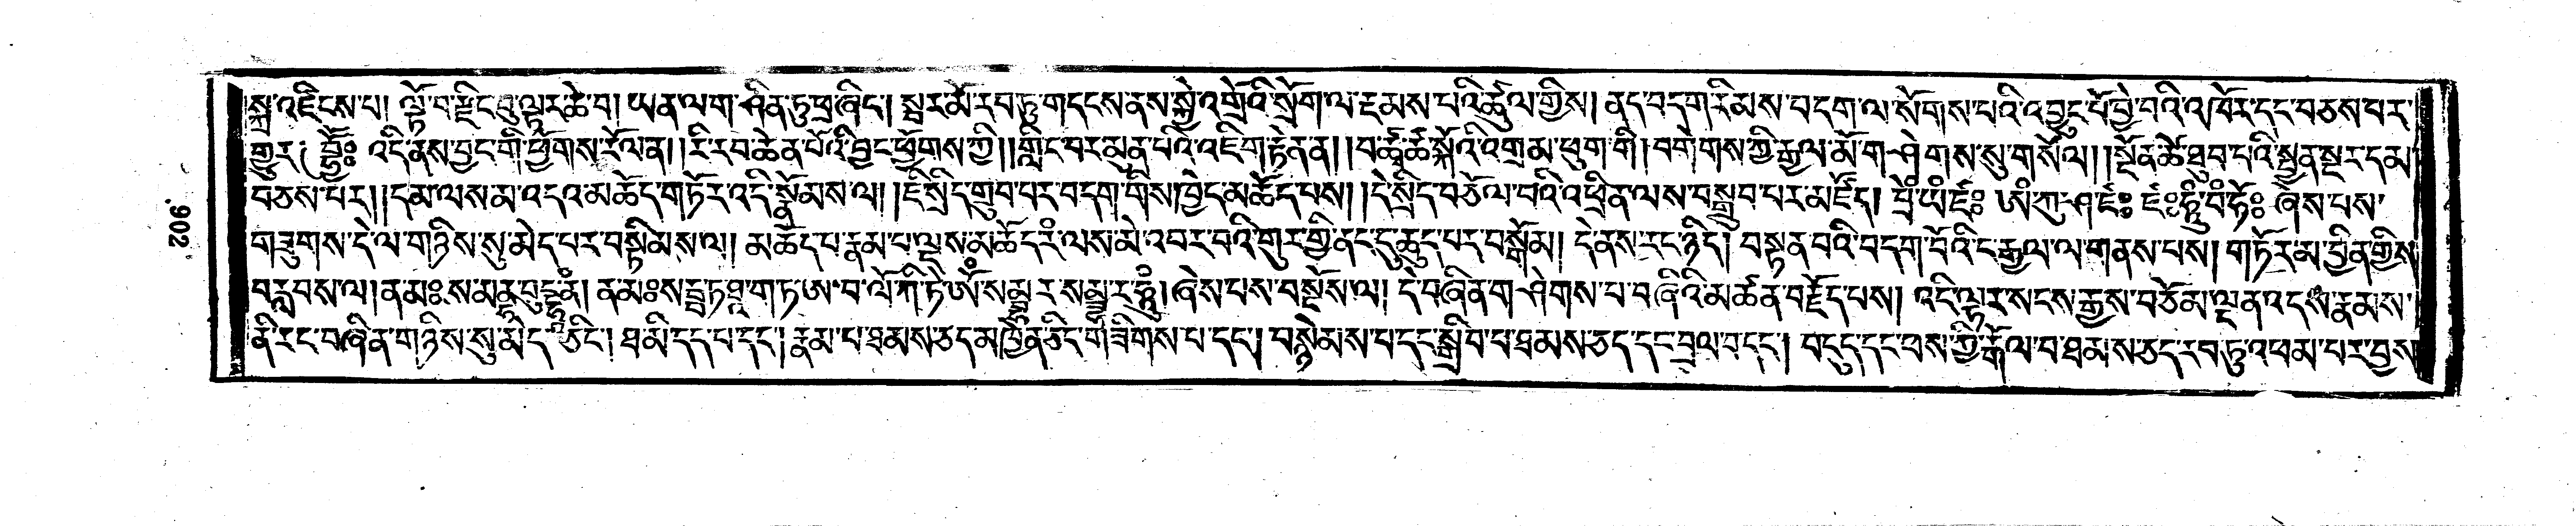སྐྲ་འཛིངས་པ། ལྟོ་བ་རྫིང་བུ་ལྟར་ཆེ་བ། ཡན་ལག་ཤིན་ཏུ་ཕྲ་ཞིང་། སྦར་མོ་རབ་ཏུ་གདངས་ནས་སྐྱེ་འགྲོའི་སྲོག་ལ་རྔམས་པའི་ཚུལ་གྱིས། ནད་བདག་རིམས་བདག་ལ་སོགས་པའི་འབྱུང་པོ་བྱེ་བའི་འཁོར་དང་བཅས་པར་
གྱུར༑ བྷྱོཿ འདི་ནས་བྱང་གི་ཕྱོགས་རོལ་ན། །རི་རབ་ཆེན་པོའི་བྱང་ཕྱོགས་ཀྱི། །གླིང་བར་མུན་པའི་འཇིག་རྟེན་ན། །བ་ཚྭ་ཚ་སྐོའི་འགྲམ་ཕུག་གི །བགེགས་ཀྱི་རྒྱལ་མོ་གཤེགས་སུ་གསོལ། །སྔོན་ཚེ་ཐུབ་པའི་སྤྱན་སྔར་དམ་
བཅས་པར། །དམ་ལས་མ་འདའ་མཆོད་གཏོར་འདི་སྣོམས་ལ། །ཇི་སྲིད་གྲུབ་པར་བདག་གིས་ཁྱེད་མཆོད་པས། །དེ་སྲིད་བཅོལ་བའི་འཕྲིན་ལས་བསྒྲུབ་པར་མཛོད། པྲེཾ་ཡཾ་ཛཿ ཨཾ་ཀུ་ཤ་ཛཿ ཛཿ ཧཱུཾ་བཾ་ཧོཿ ཞེས་པས་
གཟུགས་དེ་ལ་གཉིས་སུ་མེད་པར་བསྟིམས་ལ། མཆོད་པ་རྣམ་པ་ལྔས་མཆོད་རཾ་ལས་མེ་འབར་བའི་གུར་གྱི་ནང་དུ་ཆུད་པར་བསྒོམ། དེ་ནས་རང་ཉིད། བསྟན་པའི་བདག་པོའི་ང་རྒྱལ་ལ་གནས་པས། གཏོར་མ་བྱིན་གྱིས་
བརླབས་ལ། ན་མཿ ས་མནྟ་བུདྡྷ་ནཾ། ན་མཿ སརྦྦ་ཏ་ཐཱ་ག་ཏ་ཨ་བ་ལོ་ཀི་ཏེ་ཨོཾ་སམྦྷ་ར་སམྦྷ་ར་ཧཱུཾ། ཞེས་པས་བསྔོས་ལ། དེ་བཞིན་གཤེགས་པ་བཞིའི་མཚན་བརྗོད་པས། འདི་ལྟར་སངས་རྒྱས་བཅོམ་ལྡན་འདས་རྣམས་
ནི་རང་བཞིན་གཉིས་སུ་མེད་ཅིང་། ཐ་མི་དད་པ་དང་། རྣམ་པ་ཐམས་ཅད་མཁྱེན་ཅིང་གཟིགས་པ་དང་། བསྙེམས་པ་དང་སྒྲིབ་པ་ཐམས་ཅད་དང་བྲལ་བ་དང་། བདུད་དང་ཕས་ཀྱི་རྒོལ་བ་ཐམས་ཅད་རབ་ཏུ་འཕམ་པར་བྱས་